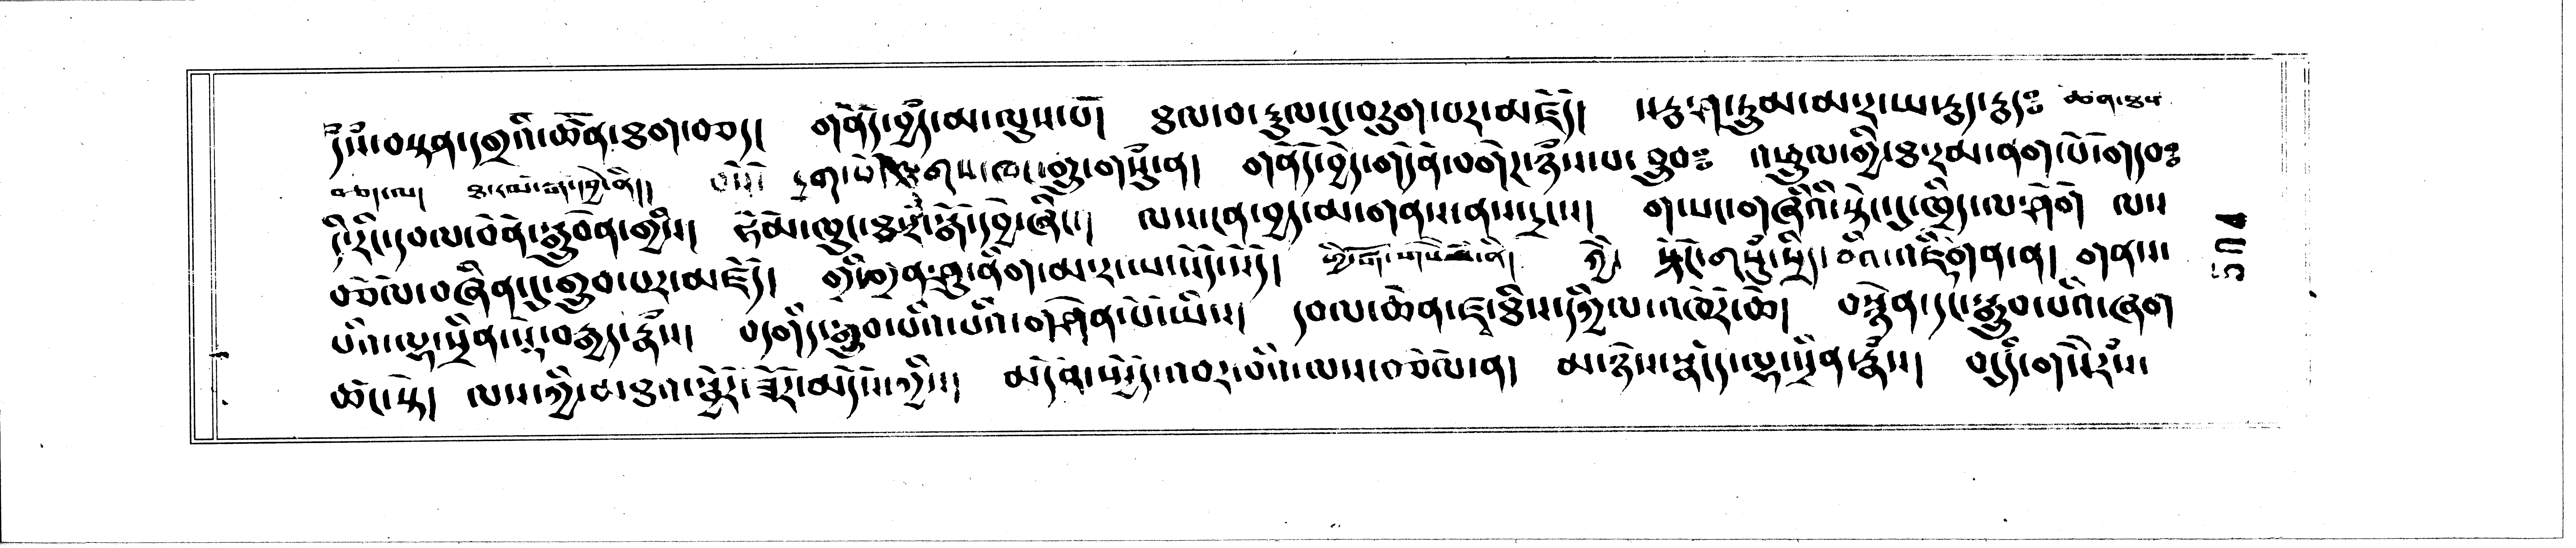དམ་ཉམས་བསྟན་དགྲའི་ཚོན་ཐག་བཅད། གནོད་བྱེད་བྱད་མ་མ་ལུས་པོ། ཐལ་བ་རྡུལ་དུ་བརླག་པར་མཛོད། སརྦ་ཤ་ཏྲུམ་མ་ར་ཡ་རྦད་རྦད༔ ཚོན་ཐག་
བཅད་ལ། ཐ་རམ་སྒོ་དབྱེ་ནི།། བསྭོ་དྲག་པོ་ལྕགས་ཁང་གྲུ་གསུམ་ན། གནོད་བྱེད་གདོན་བགེགས་ཉམས་པ་བྲུབ༔ འཕྲུལ་གྱི་ཐ་རམ་ནག་པོ་གདབ༔ 
དེ་རིང་དབལ་བོན་སྒྲུབ་གཤེན་གྱིས། ཧོམ་ཁུང་ཐ་རམ་སྒོ་དབྱེ་ཞིང་། ལས་ངན་བྱད་མ་གནས་ནས་དྲངས། གཡང་གཞིའི་སྟེང་དུ་ཁྲིད་ལ་ཤོག ལས་
བཅོལ་བཞིན་དུ་གྲུབ་པར་མཛོད། གྲི་གྲན་ཤུ་ནིག་མ་ར་ཡ་སོད་སོད། ཕྱི་སྒོ་གསེར་སྐྱེམས་ནི། ཀྱཻ་སྟོང་གསུམ་སྲིད་པའི་འཇིག་རྟེན་ན།གནས་
པའི་ལྷ་སྲིན་སྡེ་བརྒྱད་རྣམས།བདག་ཉིད་སྒྲུབ་པའི་གཤེན་པོ་ཡིས། དབལ་ཆེན་ཛྭ་ཐིས་དཀྱིལ་འཁོར་ཆེ།བསྙེན་དང་སྒྲུབ་པའི་ཞག་
ཚང་སྟེ། ལས་ཀྱི་མཐའ་སྦྱོར་ཟོར་མདོས་ཀྱིས། མངོན་སྤྱོད་འབར་བའི་ལས་བཅོལ་ན།མ་ཉེས་སྣང་སྲིད་ལྷ་སྲིན་རྣམས། བདུད་རྩི་གསེར་སྐྱེམས་